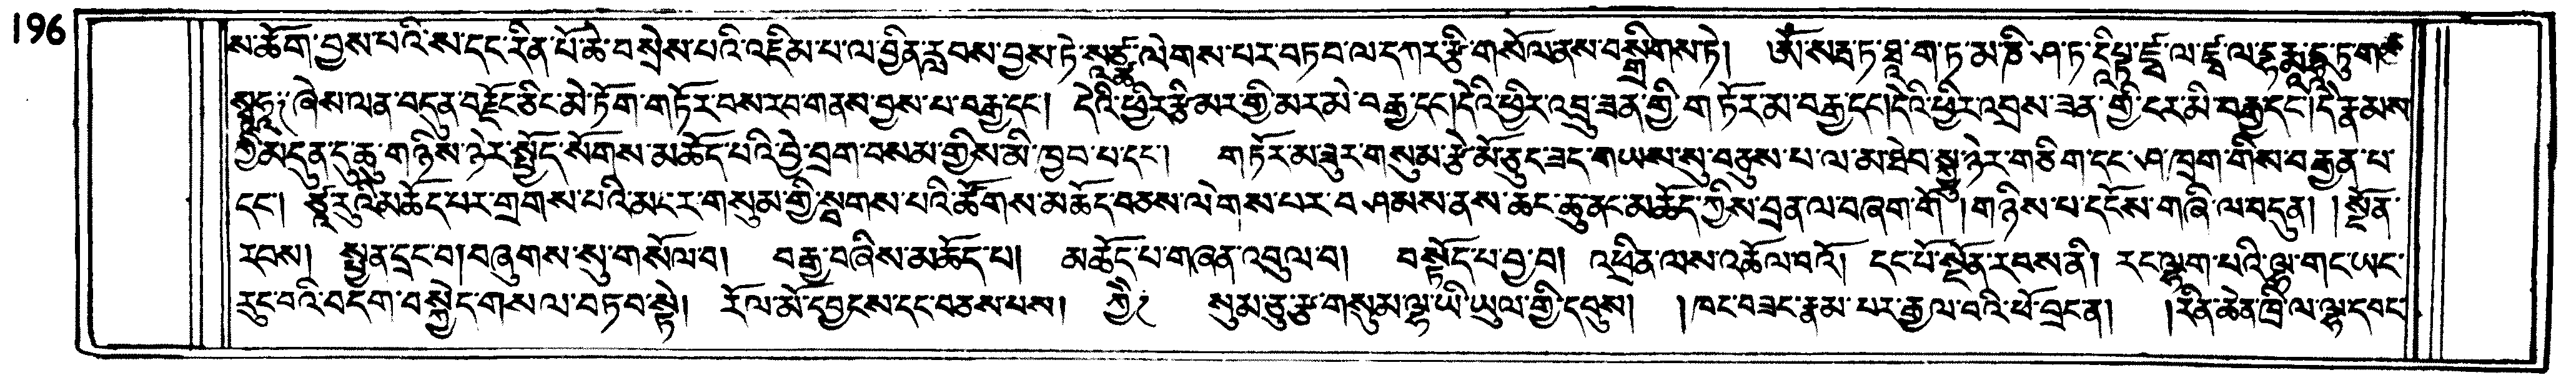ས་ཆོག་བྱས་པའི་ས་དང་རིན་པོ་ཆེ་བསྲེས་པའི་འཇིམ་པ་ལ་བྱིན་རླབས་བྱས་ཏེ་སཱ་ཙྪ་ལེགས་པར་བཏབ་ལ་དཀར་རྩི་གསོལ་ནས་བསྒྲིགས་ཏེ། ཨོཾ་སརྦ་ཏ་ཐཱ་ག་ཏ་མ་ཎི་ཤ་ཏ་དཱིཔྟ་ཛྭ་ལ་ཛྭ་ལ་དྷརྨཱ་དྷཱ་ཏུ་གཙ་
སྭཱ་ཧཱ༑ ཞེས་ལན་བདུན་བརྗོང་ཅིང་མེ་ཏོག་གཏོར་བས་རབ་གནས་བྱས་པ་བརྒྱ་དང་། དེའི་ཕྱིར་རྩི་མར་གྱི་མར་མེ་བརྒྱ་དང་། དེའི་ཕྱིར་འབྲུ་ཟན་གྱི་གཏོར་མ་བརྒྱ་དང་། དེའི་ཕྱིར་འབྲས་ཟན་གྱི་ངར་མི་བརྒྱ་དང་། དེ་རྣམས་
ཀྱི་མདུན་དུ་ཆུ་གཉིས་ཉེར་སྤྱོད་སོགས་མཆོད་པའི་བྱེ་བྲག་བསམ་གྱིས་མི་ཁྱབ་པ་དང་། གཏོར་མ་ཟུར་གསུམ་རྩེ་མོ་ཅུང་ཟད་གཡས་སུ་བཅུས་པ་ལ་མ་ཐེབ་སྐྱུ་ཉེར་གཅིག་དང་ཤ་ཁྲག་གིས་བརྒྱན་པ་
དང་། ཙཱ་རུའི་མཆོད་པར་གྲགས་པའི་མངར་གསུམ་གྱི་སྦགས་པའི་ཚོགས་མཆོད་བཅས་ལེགས་པར་བཤམས་ནས་ཆང་ཆུ་ནང་མཆོད་ཀྱིས་བྲན་ལ་བཞག་གོ །གཉིས་པ་དངོས་གཞི་ལ་བདུན། །སྔོན་
རབས། སྤྱན་དྲང་བ། བཞུགས་སུ་གསོལ་བ། བརྒྱ་བཞིས་མཆོད་པ། མཆོད་པ་གཞན་འབུལ་བ། བསྟོད་པ་བྱ་བ། འཕྲིན་ལས་འཆོལ་བའོ། དང་པོ་སྔོན་རབས་ནི། རང་ལྷག་པའི་ལྷ་གང་ཡང་
རུང་བའི་བདག་བསྐྱེད་གསལ་བཏབ་སྟེ། རོལ་མོ་དབྱངས་དང་བཅས་པས། ཀྱཻ༑ སུམ་ཅུ་རྩ་གསུམ་ལྷ་ཡི་ཡུལ་གྱི་དབུས། །ཁང་བཟང་རྣམ་པར་རྒྱལ་བའི་ཕོ་བྲང་ན། །རིན་ཆེན་ཁྲི་ལ་ལྷ་དབང་